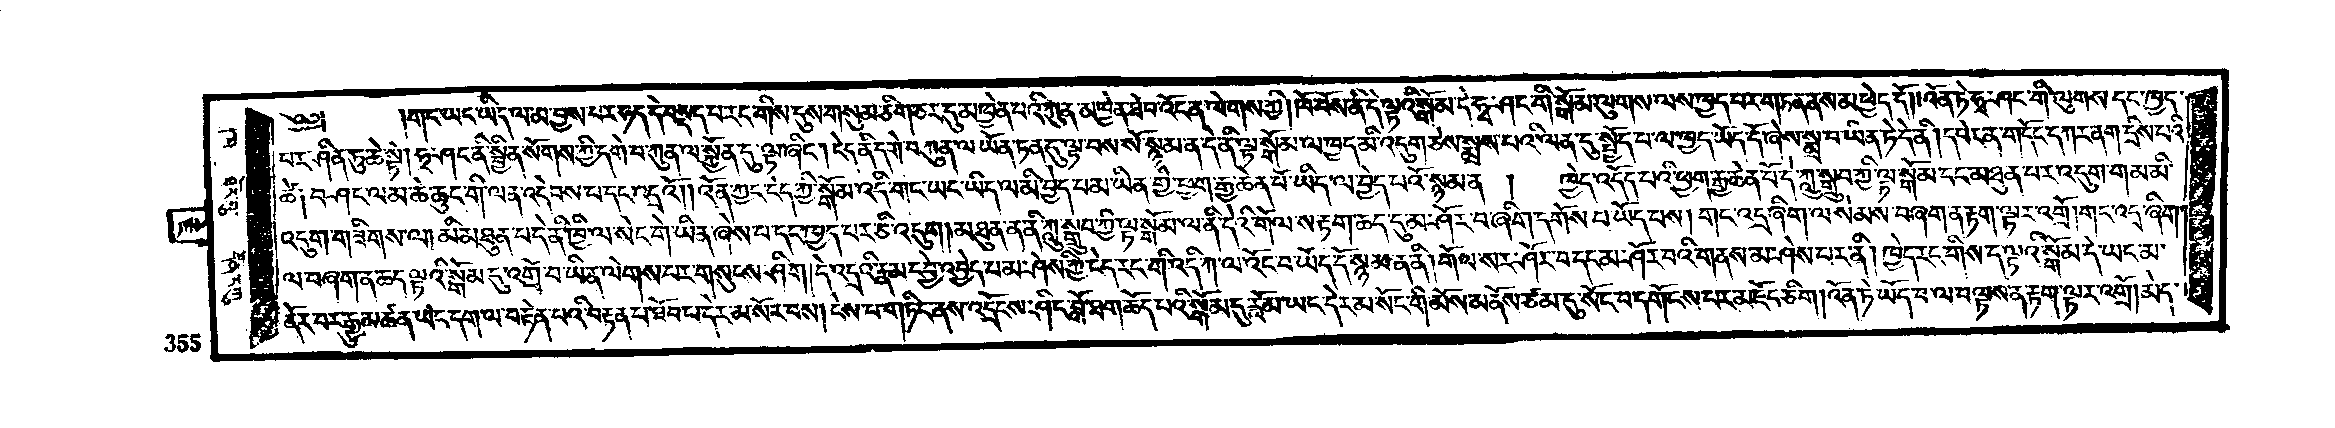༄༅། །གང་ཡང་ཡིད་ལ་མ་བྱས་པར་ཧད་དེ་བསྡད་པ་རང་གིས་དུས་གསུམ་ཅིག་ཅར་དུ་མཁྱེན་པའི་ཀུན་མཁྱེན་ཐོབ་འོང་ན་ལེགས་ཀྱི། ཁོ་བོས་ནི་དེ་ལྟའི་སྒོམ་དེ་ཧྭ་ཤང་གི་སྒོམ་ལུགས་ལས་ཁྱད་པར་གཏན་ནས་མ་ཕྱེད་དོ། །འོན་ཏེ་ཧྭ་ཤང་གི་ལུགས་དང་ཁྱད་
པར་ཤིན་ཏུ་ཆེ་སྟེ། ཧྭ་ཤང་ནི་སྦྱིན་སོགས་ཀྱི་དགེ་བ་ཀུན་ལ་སྐྱོན་དུ་ལྟ་ཞིང་། ངེད་ནི་དགེ་བ་ཀུན་ལ་ཡོན་ཏན་དུ་ལྟ་བས་སོ་སྙམ་ན་དེ་ནི་ལྟ་སྒོམ་ལ་ཁྱད་མི་འདུག་ཅེས་སྨྲས་པའི་ལན་དུ་སྤྱོད་པ་ལ་ཁྱད་ཡོད་དོ་ཞེས་སྨྲ་བ་ཡིན་ཏེ་དེ་ནི། དཔེར་ན་གདོང་དཀར་ནག་དྲིས་པའི་
ཚེ། བཤང་ལམ་ཆེ་ཆུང་གི་ལན་འདེབས་པ་དང་འདྲའོ། །འོན་ཀྱང་ངེད་ཀྱི་སྒོམ་འདི་གང་ཡང་ཡིད་ལ་མི་བྱེད་པ་མ་ཡིན་གྱི་ཕྱག་རྒྱ་ཆེན་པོ་ཡིད་ལ་བྱེད་པའོ་སྙམ་ན། ཁྱེད་འདོད་པའི་ཕྱག་རྒྱ་ཆེན་པོ་དེ་ཀླུ་སྒྲུབ་ཀྱི་ལྟ་སྒོམ་དང་མཐུན་པར་འདུག་གམ་མི་
འདུག་གཟིགས་ལ། མི་མཐུན་པ་དེ་ནི་ཁྱི་ལ་སེང་གེ་ཡིན་ཞེས་པ་དང་ཁྱད་པར་ཅི་འདུག །མཐུན་ན་ནི་ཀླུ་སྒྲུབ་ཀྱི་ལྟ་སྒོམ་ལ་ནི་དེའི་གོལ་ས་རྟག་ཆད་དུ་མ་ཤོར་བ་ཞིག་དགོས་པ་ཡོད་པས། གང་འདྲ་ཞིག་ལ་སེམས་བཞག་ན་རྟག་ལྟར་འགྲོ་།གང་འདྲ་ཞིག་
ལ་བཞག་ན་ཆད་ལྟའི་སྒོམ་དུ་འགྲོ་བ་ཡིན་ལེགས་པར་གསུངས་ཤིག །དེ་འདྲའི་རྣམ་དབྱེ་འབྱེད་པ་མོ་ཤེས་ཀྱི་ངེད་རང་གི་འདི་ཀ་ལ་འོང་བ་ཡོད་དོ་སྙམ་ན་ནི། གོལ་སར་ཤོར་བ་དང་མ་ཤོར་བའི་གནས་མ་ཤེས་པར་ནི། ཁྱེད་རང་གིས་ད་ལྟའི་སྒོམ་དེ་ཡང་མ་
ནོར་བར་རྒྱུ་མཚན་ཡང་དག་ལ་བརྟེན་པའི་བརྟན་པ་ཐོབ་པ་དེར་མ་སོང་བས། ངེས་པ་གཏིང་ནས་འདྲོངས་ཤིང་བློ་ཐག་ཆོད་པའི་སྒོམ་དུ་རློམ་ཡང་དེར་མ་སོང་གི་མོས་མནོས་ཙམ་དུ་སོང་བ་དགོངས་པར་མཇོད་ཅིག །འོན་ཏེ་ཡོད་པ་ལ་བལྟས་ན་རྟག་ལྟར་འགྲོ་།མེད་